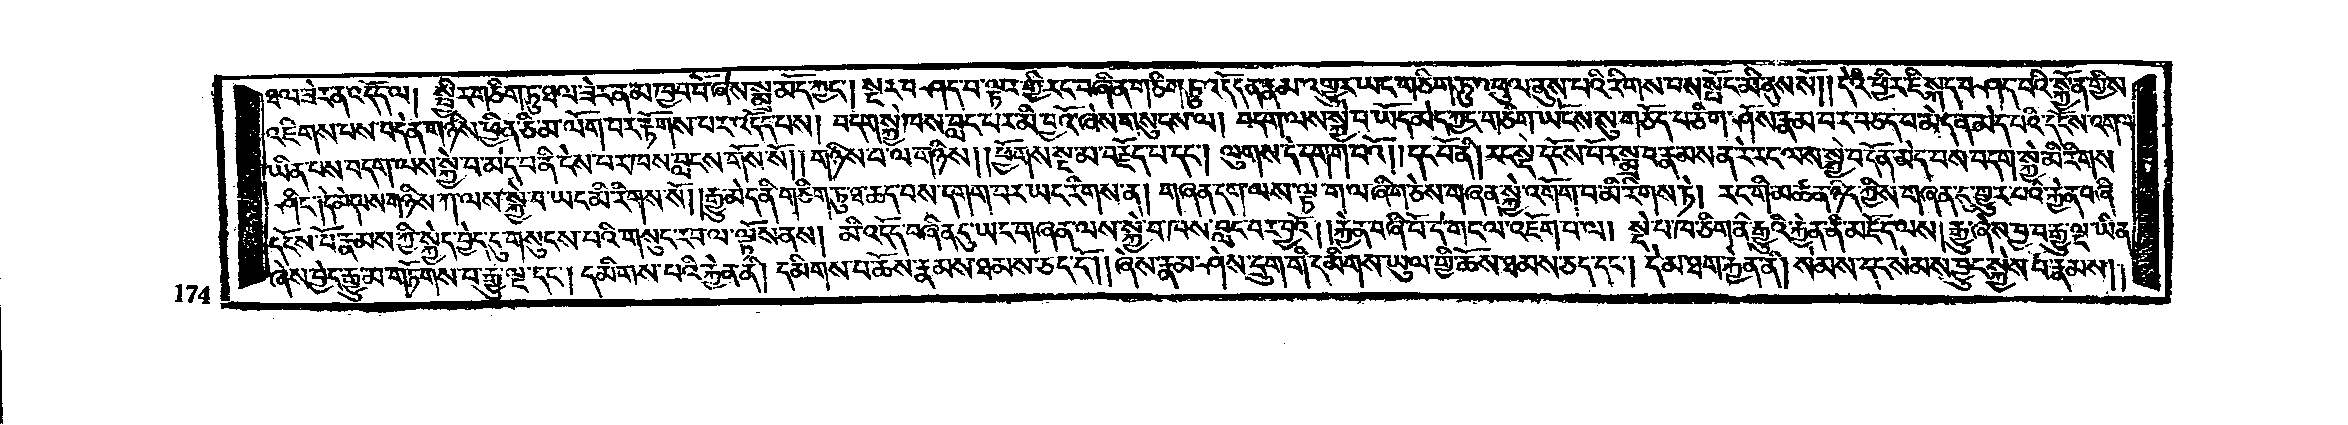ཐལ་ཟེར་ན་འདོད་ལ། སྤྱིར་གཅིག་ཏུ་ཐལ་ཟེར་ན་མ་ཁྱབ་བོ་ཞེས་སྨྲ་མོད་ཀྱང་། སྔར་བཤད་པ་ལྟར་གྱི་རང་བཞིན་གཅིག་ཏུ་འདོད་ན་རྣམ་འགྱུར་ཡང་གཅིག་ཏུ་འཕུལ་ནུས་པའི་རིགས་པས་སྤོང་མི་ནུས་སོ། །དེའི་ཕྱིར་ཇི་སྐད་བཤད་པའི་སྐྱོན་གྱིས་
འཇིགས་པས་བདེན་གཉིས་ཕྱིན་ཅི་མ་ལོག་པར་རྟོགས་པར་འདོད་པས། བདག་སྐྱེ་ཁས་བླང་བར་མི་བྱའོ་ཞེས་གསུངས་ལ། བདག་ལས་སྐྱེ་བ་ཡོད་མེད་ཀྱང་གཅིག་ཡོངས་སུ་གཅོད་པ་ཅིག་ཤོས་རྣམ་པར་བཅད་པ་མེད་ན་མེད་པའི་དངོས་འགལ་
ཡིན་པས་བདག་ལས་སྐྱེ་བ་མེད་པ་ན་ངེས་པར་ཁས་བླངས་གོས་སོ། །གཉིས་པ་ལ་གཉིས། །ཕྱོགས་སྔ་མ་བརྗོད་པ་དང་། ལུགས་དེ་དགག་བའོ། །དང་པོ་ནི། རང་སྡེ་དངོས་པོར་སྨྲ་བ་རྣམས་ན་རེ་རང་ལས་སྐྱེ་བ་དོན་མེད་པས་བདག་སྐྱེ་མི་རིགས་
ཤིང་། དེ་མེད་པས་གཉིས་ཀ་ལས་སྐྱེ་བ་ཡང་མི་རིགས་སོ། །རྒྱུ་མེད་ནི་གཅིག་ཏུ་ཐ་ཆད་བས་དགག་པར་ཡང་རིགས་ན། གཞན་དག་ལས་ལྟ་ག་ལ་ཞིག་ཅེས་གཞན་སྐྱེ་འགོག་པ་མི་རིགས་ཏེ། རང་གི་མཚན་ཉིད་ཀྱིས་གཞན་དུ་གྱུར་བའི་རྐྱེན་བཞི་
དངོས་པོ་རྣམས་ཀྱི་སྐྱེད་བྱེད་དུ་གསུངས་པའི་གསུང་རབ་ལ་ལྟོས་ནས། མི་འདོད་བཞིན་དུ་ཡང་གཞན་ལས་སྐྱེ་བ་ཁས་བླང་བར་བྱའོ། །རྐྱེན་བཞི་པོ་དེ་གང་ལ་འཇོག་པ་ལ། སྡེ་པ་ཁ་ཅིག་ནི་རྒྱུའི་རྐྱེན་ནི་མཛོད་ལས། རྒྱུ་ཞེས་བྱ་བ་རྒྱུ་ལྔ་ཡིན་
ཞེས་བྱེད་རྒྱུ་མ་གཏོགས་པ་རྒྱུ་ལྔ་དང་། དམིགས་པའི་རྐྱེན་ནི། དམིགས་པ་ཆོས་རྣམས་ཐམས་ཅད་ངོ། །ཞེས་རྣམ་ཤེས་དྲུག་གི་དམིགས་ཡུལ་གྱི་ཆོས་ཐམས་ཅད་དང་། དེ་མ་ཐག་རྐྱེན་ནི། སེམས་དང་སེམས་བྱུང་སྐྱེས་པ་རྣམས། །